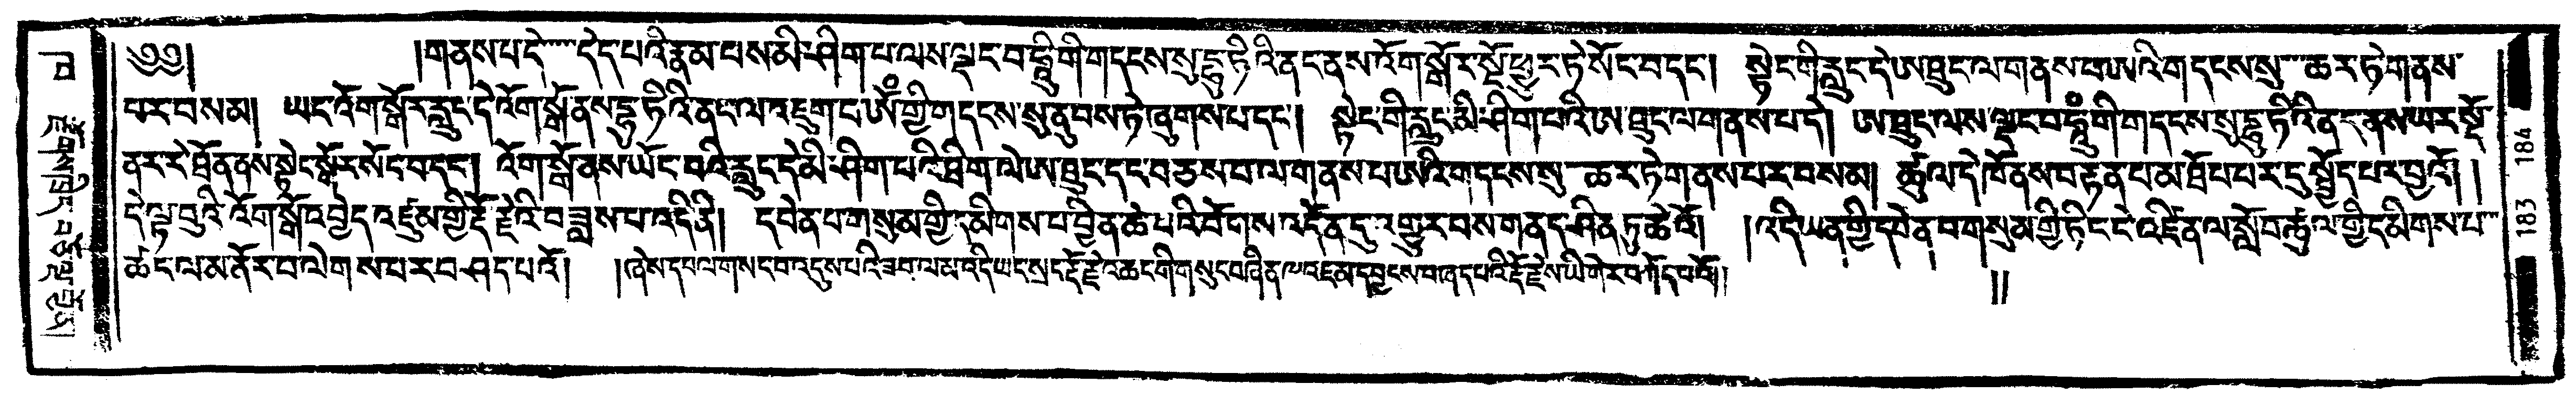༄༅། །གནས་པ་དེ་དེད་པའི་རྣམ་པས་མི་ཤིག་པ་ལས་ལྡང་བ་ཧཱུཾ་གི་གདངས་སུ་དྷུ་ཏིའི་ནང་ནས་འོག་སྒོར་སྔོ་ཕྱུར་ཏེ་སོང་བ་དང་། སྟེང་གི་རླུང་དེ་ཨ་ཐུང་ལ་གནས་པ་ཨཱི་གདངས་སུ་ཆར་ཏེ་གནས་
པར་བསམ། ཡང་འོག་སྒོར་རླུང་དེ་འོག་སྒོ་ནས་དྷུ་ཏིའི་ནང་ལ་འཇུག་པ་ཨོཾ་གྱི་གདངས་སུ་ནུབས་ཏེ་ཞུགས་པ་དང་། སྟེང་གི་རླུང་མི་ཤིག་པའི་ཨ་ཐུང་ལ་གནས་པ་དེ། ཨ་ཐུང་ལས་ལྡང་བ་ཧཱུཾ་གི་གདངས་སུ་དྷུ་ཏིའི་ནང་ནས་ཡར་སྔོ་
ནར་རེ་ཐོན་ནས་སྟེང་སྒོར་སོང་བ་དང་། འོག་སྒོ་ནས་ཡོད་བའི་རླུང་དེ་མི་ཤིག་པའི་ཐིག་ལེ་ཨ་ཐུང་དང་བཅས་པ་ལ་གནས་པ་ཨཱི་གདངས་སུ་ཆར་ཏེ་གནས་པར་བསམ། ཚུལ་དེ་ཁོ་ནས་བརྟན་པ་མཐོབ་པར་དུ་སྤྱོད་པར་བྱའོ། །
དེ་ལྟ་བུའི་འོག་སྒོ་འབྱེད་འཛུམ་གྱི་རྡོ་རྗེའི་བཟླས་པ་འདི་ནི། དབེན་པ་གསུམ་གྱི་དམིགས་པ་བྱིན་ཆེ་བའི་བོགས་འདོན་དུ་འགྱུར་བས་གནད་ཤིན་ཏུ་ཆེའོ། །འདི་ཡན་གྱི་དབེན་པ་གསུམ་གྱི་ཏིང་ངེ་འཛིན་ལ་སློབ་ཚུལ་གྱི་དམིགས་པ་
ཚང་ལམ་ནོར་བ་ལེགས་པར་བཤད་པའོ། །ཞེས་དཔལ་གསང་བ་འདུས་པའི་ཟབ་ལམ་འདི་ཡང་སྲད་རྡོ་རྗེ་འཆང་གི་གསུང་བཞིན་༧་འཇམ་དབྱངས་བཞད་པའི་རྡོ་རྗེས་ཡི་གེར་བཀོད་པའོ།། །།